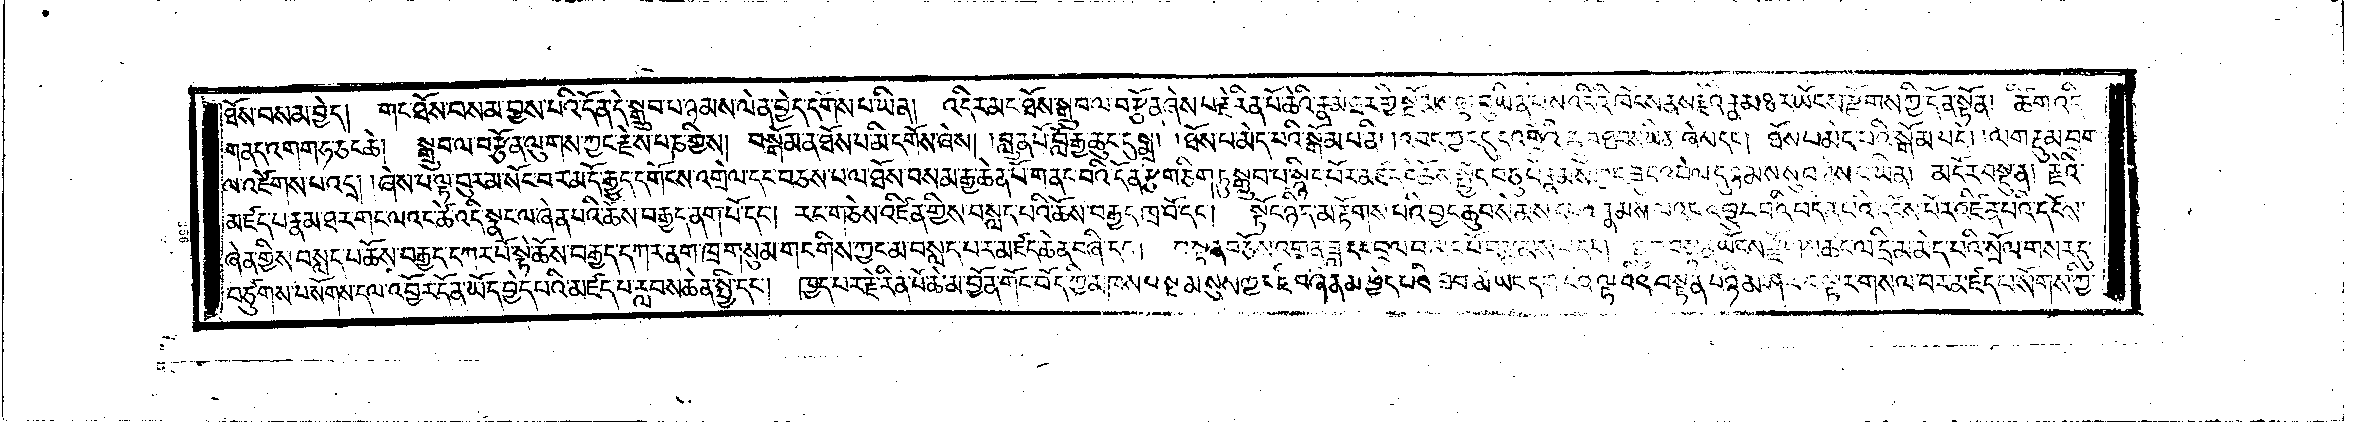ཐོས་བསམ་བྱེད། གང་ཐོས་བསམ་བྱས་པའི་དོན་དེ་སྒྲུབ་པ་ཉམས་ལེན་བྱེད་དགོས་པ་ཡིན། འདིར་མང་ཐོས་སྒྲུབ་ལ་བརྩོན་ཞེས་པ་རྗེ་རིན་པོ་ཆེའི་རྣམ་ཐར་གྱི་སྡོམ་ལྟ་བུ་ཡིན་པས་འདིའི་ཁོངས་ནས་རྗེའི་རྣམ་ཐར་ཡོངས་རྫོགས་ཀྱི་དོན་སྟོན། ཚིག་འདི་
གནད་འགག་ཧ་ཅང་ཆེ། སྒྲུབ་ལ་བརྩོན་ལུགས་ཀྱང་རྗེས་པན་གྱིས། བསྒོམ་ན་ཐོས་པ་མི་དགོས་ཞེས། །བླུན་པོ་བློ་རྒྱ་ཆུང་ངུ་སྨྲ། །ཐོས་པ་མེད་པའི་སྒོམ་པ་ནི། །འབད་ཀྱང་དུད་འགྲོའི་སྒྲུབ་ཐབས་ཡིན། ཞེས་དང་། ཐོས་པ་མེད་པའི་སྒོམ་པ་དེ། །ལག་རྡུམ་བྲག་
ལ་འཛེགས་པ་འདྲ། །ཞེས་པ་ལྟ་བུར་མ་སོང་བར་མདོ་རྒྱུད་དགོངས་འགྲེལ་དང་བཅས་པ་ལ་ཐོས་བསམ་རྒྱ་ཆེན་པོ་གནང་བའི་དོན་རྩེ་གཅིག་ཏུ་སྒྲུབ་པ་སྙིང་པོར་མཛད་དེ་ཆོས་སྤྱོད་བཅུ་པོ་རྣམས་ཀྱང་ཟུང་འབྲེལ་དུ་ཉམས་སུ་བཞེས་པ་ཡིན། མདོར་བསྡུ་ན། རྗེའི་
མཛད་པ་རྣམ་ཐར་གང་ལའང་ཚེ་འདི་སྣང་ལ་ཞེན་པའི་ཆོས་བརྒྱད་ནག་པོ་དང་། རང་གཅེས་འཛིན་གྱིས་བསླད་པའི་ཆོས་བརྒྱད་ཁྲ་བོ་དང་། སྟོང་ཉིད་མ་རྟོགས་པའི་བྱང་ཆུབ་སེམས་དཔའ་རྣམས་ལའང་འབྱུང་བའི་བདེན་པའི་དངོས་པོར་འཛིན་པའི་དངོས་
ཞེན་གྱིས་བསླད་པ་ཆོས་བརྒྱད་དཀར་པོ་སྟེ་ཆོས་བརྒྱད་དཀར་ནག་ཁྲ་གསུམ་གང་གིས་ཀྱང་མ་བསླད་པར་མཛད་ཆེན་བཞི་དང་། བསྟན་བཅོས་འགྲན་ཟླ་དང་བྲལ་བ་མང་པོ་བརྩམས་པ་དང་། ཐུབ་བསྟན་ཡོངས་རྫོགས་ཚང་ལ་དྲི་མ་མེད་པའི་སྲོལ་གསར་དུ་
བཙུགས་པ་སོགས་དལ་འབྱོར་དོན་ཡོད་བྱེད་པའི་མཛད་པ་རླབས་ཆེན་སྤྱི་དང་། ཁྱད་པར་རྗེ་རིན་པོ་ཆེ་མ་བྱོན་གོང་བོད་ཀྱི་མཁས་པ་སྔ་མ་སུས་ཀྱང་ཇི་བཞིན་མ་ཕྱེད་པའི་ཟབ་མོ་ཡང་དག་པའི་ལྟ་བའི་བསྟན་པ་ཉི་མ་ཤར་བ་ལྟར་གསལ་བར་མཛད་པ་སོགས་ཀྱི་